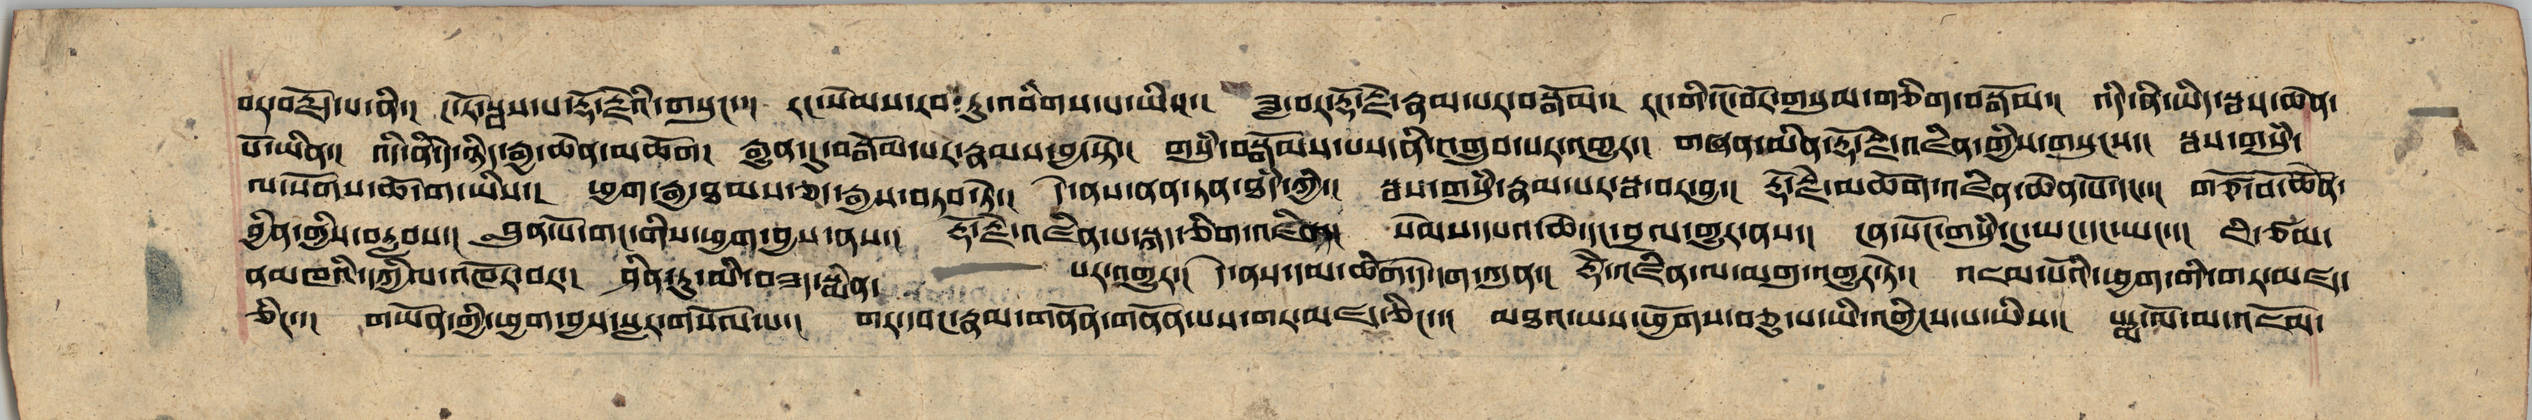བར་བརྗོད་པ་ནི་། ང་རོ་སྦས་པ་རྡོ་རྗེའི་གསུངས་། རང་སེམས་རབ་ཏུ་འབིགས་པ་ཡིས་། ཟླ་བར་རྡོ་རྗེ་རྣམ་པར་བསྒོམ་། རང་གི་ངོ་བོར་གསུམ་གཅིག་བསྒོམ་། འདི་ནི་ཡིད་སྦས་ཆེན་
པོ་ཡིན་། འདི་ནི་དེ་ཉིད་རྒྱ་ཆེན་མཆོག། རྒྱུན་དུ་བསྒོམ་པར་རྣམས་བྱ་སྟེ་། གསུཾ་བསྒོམས་པས་ནི་འགྲུབ་པར་འགྱུར་། གཞན་མིན་རྡོ་རྗེ་འཛིན་གྱིས་གསུངས་། སྦས་གསུཾ
ལ་སོགས་ཆོ་ག་ཡིས་། ཕྱག་རྒྱ་ཐམས་ཅད་རྒྱས་བཏབ་ཏེ་། དེ་ནས་ནན་ཏན་ཐཾད་ཀྱི་། སྦས་གསུཾ་་རྣམ་པར་སྦ་བར་བྱ་། རྡོ་རྗེ་མཆོག་འཛིན་ཆེན་པོ་དང་་། གཙོ་བོ་ཆེན་
བྱིན་གྱིས་བརླབས་། བླུན་པོ་གང་གིས་ཕྱག་བྱས་ནས་། རྡོ་རྗེ་འཛིན་པ་སྐད་ཅིག་འཛིན་། སེམས་དཔའ་ཆེ་དང་བྲལ་གྱུར་ནས་། ངན་སོང་གསུཾ་དུ་ཡང་དང་ཡང་་། ཇི་ཙམ་
ནམཁའི་དཀྱིལ་འཁོར་བར་། ཤིན་ཏུ་མི་བཟད་སྨིན་ པར་འགྱུར་། དེ་ནས་དམ་ཚིག་དེ་དག་ཀུན་། རྡོེ་འཛིན་ལ་མགུ་འགྱུར་ཏེ་། འཇམ་པོའི་ཕྱག་གི་གར་མཛད་
ཅིང་་། གཡོན་གྱི་ཕྱག་བྱས་སླར་གསོལ་པ་། གར་དབང་རྣམ་གནོན་གནོན་པས་གར་མཛད་ཅིང་་། མཐའ་ཡས་ཕྱོགས་བཅུ་པ་ཡི་འགྱིངས་པ་ཡིས་། པདྨ་ལོ་མ་འཇོམ་